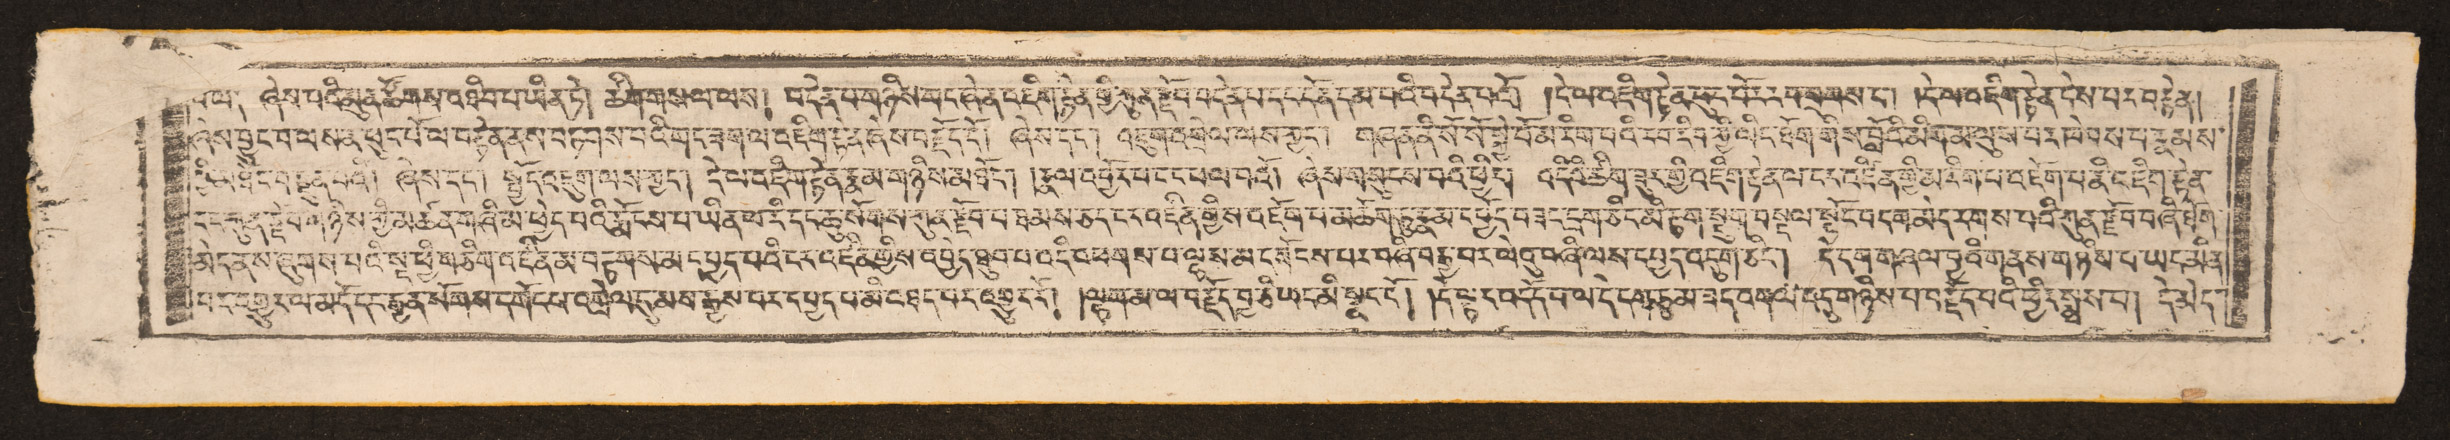པ་ལ༑ ཞེས་བའི་མུན་ཚོགས་འཐིབ་པ་ཡིན་ཏེ། ཚིག་གསལ་ལས། བདེན་པ་གཉིས་གང་ཞེན་འཇིག་རྟེན་གྱི་ཀུན་རྫོབ་བདེན་པ་དང་དོན་དམ་པའི་བདེན་པའོ། །དེ་ལ་འཇིག་རྟེན་ཕུང་པོར་རབ་གྲགས་པ། །དེ་ལ་འཇིག་རྟེན་ངེས་པར་བརྟེན།
ཞེས་བྱུང་བ་ལས་ནི་པུང་ཕོལ་བརྟེན་ནས་བཏགས་པའི་གང་ཟག་ལ་འཇིག་རྟེན་ཞེས་བརྗོད་དོ། ཞེས་དང་། འཇུག་འགྲེལ་ལས་ཀྱང་། གཞན་ནི་སོ་སོ་སྐྱེ་བོ་མ་རིག་བའི་རབ་རིབ་ཀྱི་ལིང་ཐོག་གིས་བློའི་མིག་མ་ལུས་པར་ཁེབས་བ་རྣམས་
གྱི་མཐོང་བརྫུན་པའི། ཞེས་དང་། སྦྱོད་འཇུག་ལས་ཀྱང་། དེ་ལ་འཇིག་རྟེན་རྣམ་གཉིས་མཐོང་། །རྣལ་འབྱོར་པ་དང་ཕལ་བའོ། ཞེས་གསུངས་པའི་ཕྱིར། འདིའི་ཚིག་ཟུང་གྱི་འཇིག་རྟེན་ལ་ངར་?་འཛིན་གྱི་མ་རིག་པ་འཇོག་བ་ནི་འཇིག་རྟེན་
དང་ཞུན་རྫོབ་གཉིས་ཀྱི་མཚན་གཞི་མ་ཕྱེད་པའི་རྨོངས་པ་ཡིན་ལ་རི་དང་ཆུ་སོགས་ཀུན་རྫོབ་པ་ཐམས་ཅད་ངར་འཛིན་གྱིས་འཇོག་པ་མཆོག་ཏུ་རྣམ་དཔྱོད་བཟང་དྲག་ཅིང་མི་རྟག་སྡུག་བསྔལ་སྟོང་བདག་མེད་རགས་པའི་ཀུན་རྫོབ་བཞི་ཐོག་
མདན་མ་ཞུགས་པའི་སྔ་ཕྱི་གཅིག་འཛིན་མ་བརྟགས་མ་དབྱད་པའི་ངར་འཛིན་གྱིས་འབྱེད་ཐུབ་བ་འདི་འཕགས་པ་ལྷས་མ་དགོངས་པར་བཞི་བརྒྱ་བར་ལེའུ་བཞི་ལས་དཔྱད་འདུག་ཅིང་། དེ་དག་གཞལ་བྱའི་གནས་གཉིས་པ་ཡང་མིན་
པར་འགྱུར་ལ་མདོ་དང་རྒྱན་སོགས་དགོངས་འགྲེལ་དུ་མས་རྒྱས་པར་དབྱད་པ་མི་འཐད་པར་འགྱུར་རོ། །ལྷག་མ་ལ་བརྗོད་བྱ་ཅི་ཡང་མི་སྣང་ངོ། །དེ་ལྟར་འདོད་པ་ལ་དེ་དག་ཏུ་མ་ཟད་འགལ་འདུ་གཉིས་པ་བརྗོད་པའི་ཕྱིར་སྨྲས་པ། དེ་མེད་